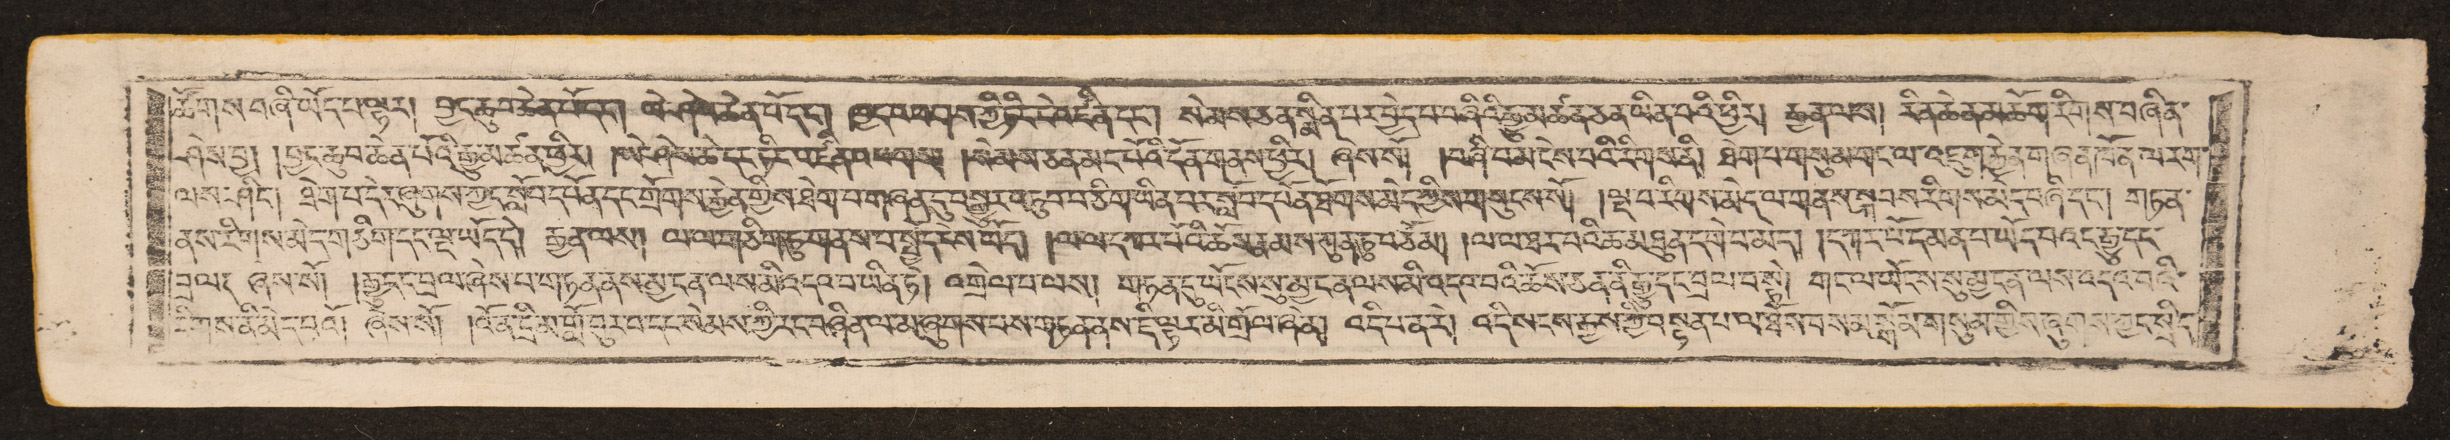ཚོགས་བཞི་ཡོད་པ་ལྟར། བྱང་ཆུབ་ཆེན་པོ་དང་། ཡེ་ཤེས་ཆེན་པོ་དང་། ཁྱད་འཕགས་ཀྱི་ཏིང་ངེ་འཛིན་དང་། སེམས་ཅན་སྨིན་པར་བྱེད་པ་བཞིའི་རྒྱུ་མཚན་ཅན་ཡིན་པའི་ཕྱིར། རྒྱན་ལས། རིན་ཆེན་མཆོག་རིགས་བཞིན་
ཤེས་བྱ། །བྱང་ཆུབ་ཆེན་པོའི་རྒྱུ་མཚན་ཕྱིར། །ཡེ་ཤེས་ཆེ་དང་ཏིང་འཛིན་འཕགས། །སེམས་ཅན་མང་པོའི་དོན་གནས་ཕྱིར། ཞེས་སོ། །བཞི་པ་མ་ངེས་པའི་རིགས་ནི། ཐེག་པ་གསུམ་གང་ལ་འཇུག་རྐྱེན་གཞན་ཁོ་ན་ལ་རག་
ལས་ཤིང་། ཐེག་པ་དེར་ཞུགས་ཀྱང་སློབ་དཔོན་དང་གྲོགས་རྐྱེན་གྱིས་ཐེག་པ་གཞན་དུ་བསྐྱུར་བ་ཏུབ་པ་ཅིག་ཡིན་པར་སློབ་དཔོན་ཐོགས་མེད་ཀྱིས་གསུངས་སོ། །ལྔ་བ་རིགས་མེད་ལ་གནས་སྐབས་རིགས་མེད་བཞི་དང་། གཏན་
ནས་རིགས་མེད་གཅིག་དང་ལྔ་ཡོད་དེ། རྒྱན་ལས། ལ་ལ་གཅིག་ཏུ་གནས་པ་སྤྱོད་ངེས་ཡོད། །ལ་ལ་དཀར་པོའི་ཆོས་རྣམས་ཀུན་ཏུ་བཅོམ་།ལ་ལ་ཐར་བའི་ཆ་མཐུན་དགེ་བ་མེད། །དཀར་པོ་དམན་པ་ཡོད་པའང་རྒྱུ་དང་
བྲལ༑ ཞེས་སོ། །རྒྱུ་དང་བྲལ་ཞེས་པ་གཏན་ནས་མྱ་ངན་ལས་མི་འདའ་བ་ཡིན་ཏེ། འགྲེལ་བ་ལས། གཏན་དུ་ཡོངས་སུ་མྱ་ངན་ལས་མི་འདའ་བའི་ཆོས་ཅན་ནི་རྒྱུ་དང་བྲལ་བ་སྟེ། གང་ལ་ཡོངས་སུ་མྱ་ངན་ལས་འདའ་བའི་
རིགས་ནི་མེད་པའོ། ཞེས་སོ། །འོན་དྲི་མ་གློ་བུར་བ་དང་སེམས་ཀྱི་རང་བཞིན་ལ་མ་ཞུགས་པས་གཏན་ནས་ཇི་ལྟར་མི་གྲོལ་ཞེ་ན། འདི་པ་ན་རེ། འདི་སངས་རྒྱས་ཀྱི་བསྟན་པ་ལ་ཐོས་བསམ་སྒོམ་གསུམ་གྱིས་ཞུགས་ཀྱང་སྲིད་